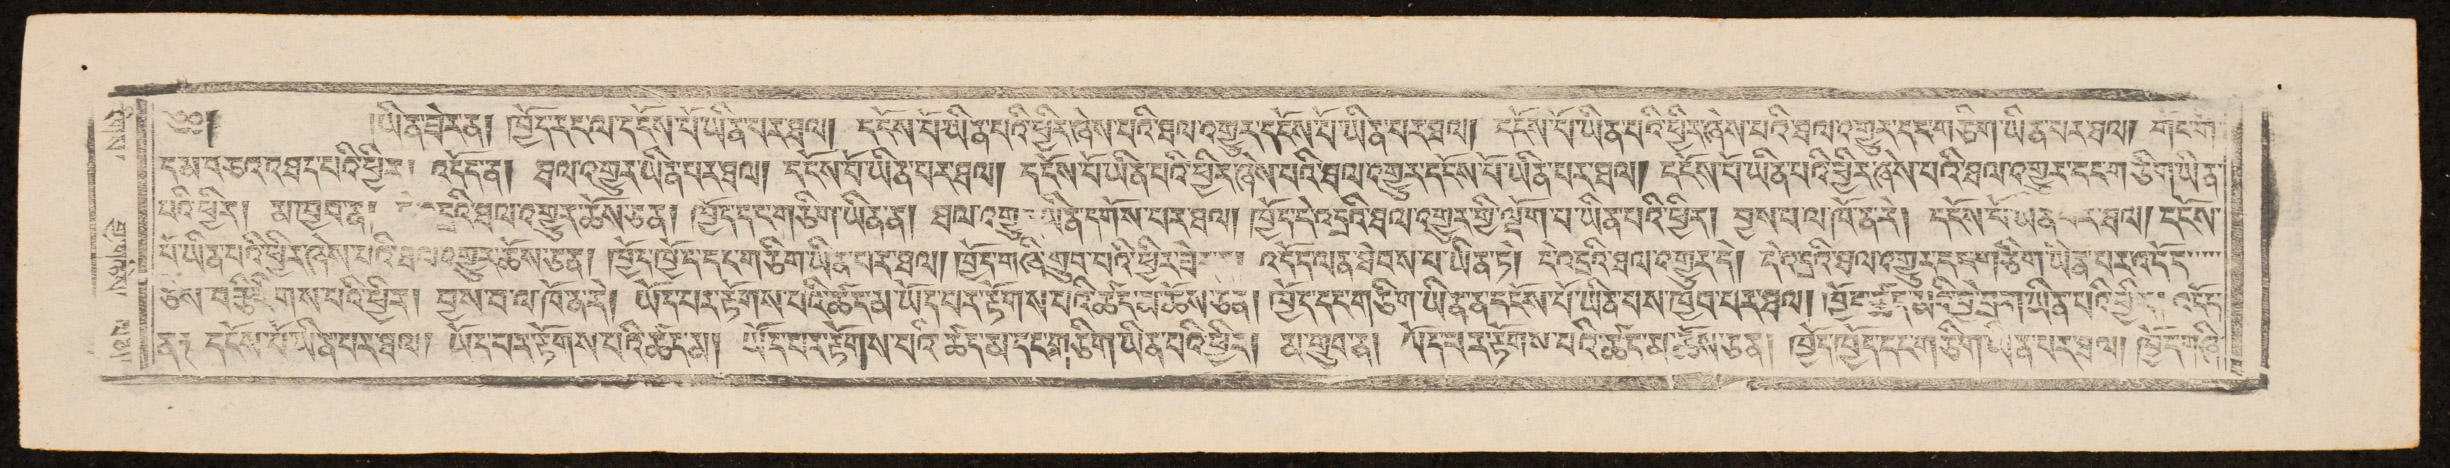༄༅། །ཡིན་ཟེར་ན། ཁྱོད་རང་ལ་དངོས་པོ་ཡིན་པར་ཐལ། དངོས་པོ་ཡིན་པའི་ཕྱིར་ཞེས་པའི་ཐལ་འགྱུར་དངོས་པོ་ཡིན་པར་ཐལ། དངོས་པོ་ཡིན་པའི་ཕྱིར་ཞེས་པའི་ཐལ་འགྱུར་དང་གཅིག་ཡིན་པར་ཐལ། གོང་གི་
དམ་བཅའ་འཐད་པའི་ཕྱིར། འདོད་ན། ཐལ་འགྱུར་ཡིན་པར་ཐལ། དངོས་པོ་ཡིན་པར་ཐལ། དངོས་པོ་ཡིན་པའི་ཕྱིར་ཞེས་པའི་ཐལ་འགྱུར་དངོས་པོ་ཡིན་པར་ཐལ། དངོས་པོ་ཡིན་པའི་ཕྱིར་ཞེས་པའི་ཐལ་འགྱུར་དང་གཅིག་ཡིན་
པའི་ཕྱིར། མ་ཁྱབ་ན། དེ་འདྲའི་ཐལ་འགྱུར་ཆོས་ཅན། ཁྱོད་དང་གཅིག་ཡིན་ན། ཐལ་འགྱུར་ཡིན་དགོས་པར་ཐལ། ཁྱོད་དེ་འདྲའི་ཐལ་འགྱུར་གྱི་ལྡོག་པ་ཡིན་པའི་ཕྱིར། བྱས་པ་ལ་ཁོ་ན་རེ། དངོས་པོ་ཡིན་པར་ཐལ། དངོས་
པོ་ཡིན་པའི་ཕྱིར་ཞེས་པའི་ཐལ་འགྱུར་ཆོས་ཅན། ཁྱོད་ཁྱོད་དང་གཅིག་ཡིན་པར་ཐལ། ཁྱོད་གཞི་གྲུབ་པའི་ཕྱིར་ཟེར་ན། འདོད་ལན་ཐེབས་པ་ཡིན་ཏེ། དེ་འདྲའི་ཐལ་འགྱུར་དེ། དེ་འདྲའི་ཐལ་འགྱུར་དང་གཅིག་ཡིན་པར་འདོད་
ཅེས་བརྩི་རིགས་པའི་ཕྱིར། བྱས་པ་ལ་ཁོ་ན་རེ། ཡོད་པར་རྟོགས་པའི་ཚད་མ་ཡོད་པར་རྟོགས་པའི་ཚད་མ་ཆོས་ཅན། ཁྱོད་དང་གཅིག་ཡིན་ན་དངོས་པོ་ཡིན་པས་ཁྱབ་པར་ཐལ། ཁྱོད་ཚད་མའི་བྱེ་བྲག་ཡིན་པའི་ཕྱིར། འདོད་
ན། དངོས་པོ་ཡིན་པར་ཐལ། ཡོད་པར་རྟོགས་པའི་ཚད་མ། ཡོད་པར་རྟོགས་པའི་ཚད་མ་དང་གཅིག་ཡིན་པའི་ཕྱིར། མ་གྲུབ་ན། ཡོད་པར་རྟོགས་པའི་ཚད་མ་ཆོས་ཅན། ཁྱོད་ཁྱོད་དང་གཅིག་ཡིན་པར་ཐལ། ཁྱོད་གཞི་